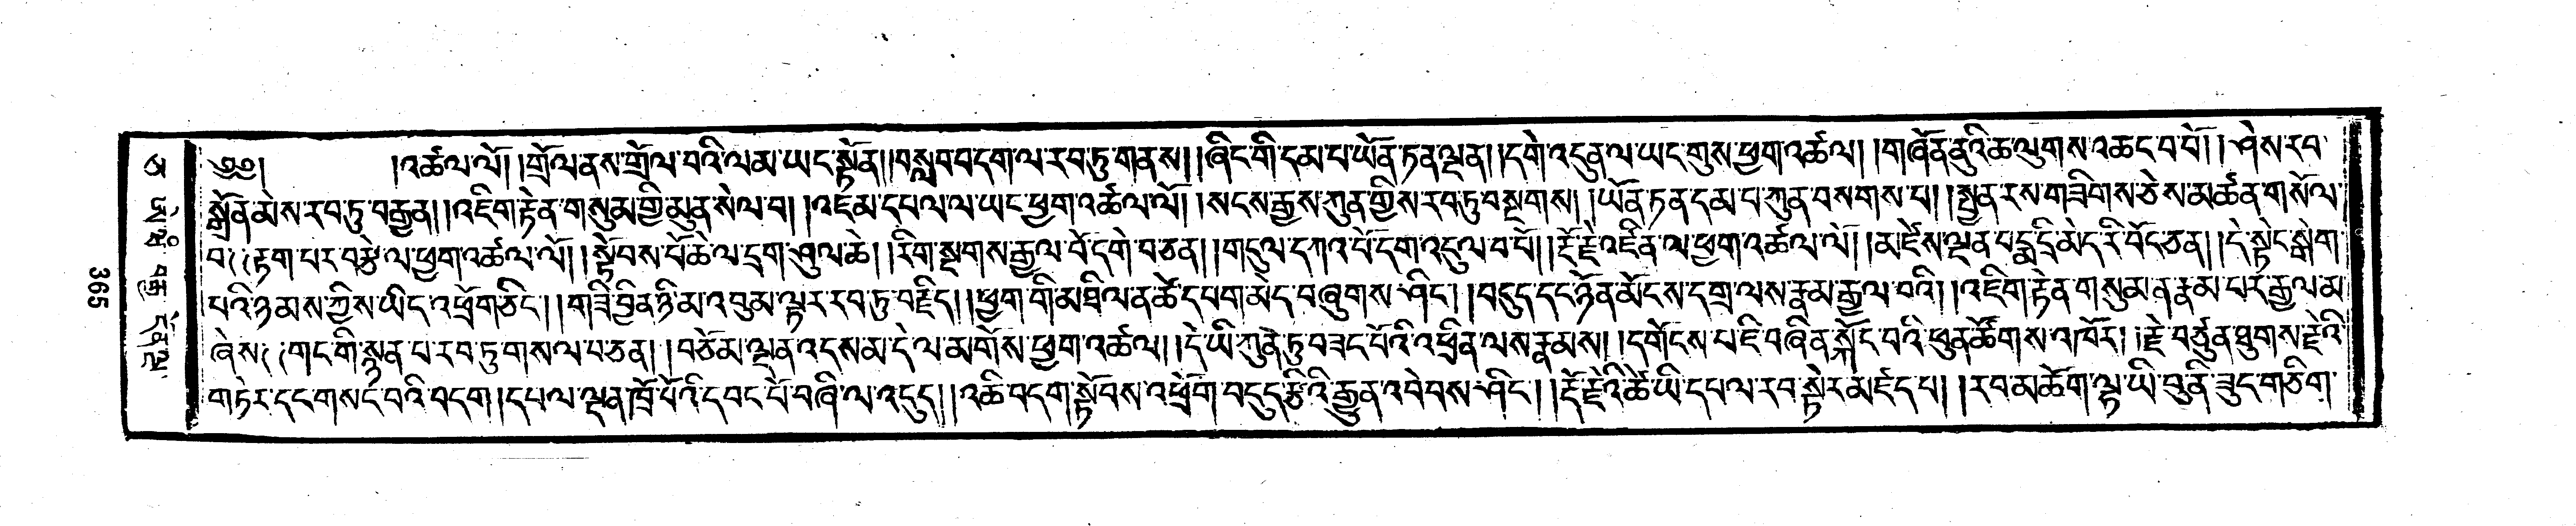༄༅། །འཚལ་ལོ། །གྲོལ་ནས་གྲོལ་བའི་ལམ་ཡང་སྟོན། །བསླབ་པ་དག་ལ་རབ་ཏུ་གནས། །ཞིང་གི་དམ་པ་ཡོན་ཏན་ལྡན། །དགེ་འདུན་ལ་ཡང་གུས་ཕྱག་འཚལ། །གཞོན་ནུའི་ཆ་ལུགས་འཆང་བ་པོ། །ཤེས་རབ་
སྒྲོན་མེས་རབ་ཏུ་བརྒྱན། །འཇིག་རྟེན་གསུམ་གྱི་མུན་སེལ་བ། །འཇམ་དཔལ་ལ་ཡང་ཕྱག་འཚལ་ལོ། །སངས་རྒྱས་ཀུན་གྱིས་རབ་ཏུ་བསྔགས། །ཡོན་ཏན་དམ་པ་ཀུན་བསགས་པ། །སྤྱན་རས་གཟིགས་ཅེས་མཚན་གསོལ་
བ། །རྟག་པར་བརྩེ་ལ་ཕྱག་འཚལ་ལོ། །སྟོབས་པོ་ཆེ་ལ་དྲག་ཤུལ་ཆེ། །རིག་སྔགས་རྒྱལ་པོ་དགེ་བ་ཅན། །གདུལ་དཀའ་བོ་དག་འདུལ་བ་པོ། །རྡོ་རྗེ་འཛིན་ལ་ཕྱག་འཚལ་ལོ། །མཛེས་ལྡན་པདམ་དྲི་མེད་རི་བོང་ཅན། །དེ་སྟེང་སྒེག་
པའི་ཉམས་ཀྱིས་ཡིད་འཕྲོག་ཅིང་། །གཟི་བྱིན་ཉི་མ་འབུམ་ལྟར་རབ་ཏུ་བརྗིད། །ཕྱག་གི་མཐིལ་ན་ཚེ་དཔག་མེད་བཞུགས་ཤིང་། །བདུད་དང་ཉོན་མོངས་དགྲ་ལས་རྣམ་རྒྱལ་བའི། །འཇིག་རྟེན་གསུམ་ན་རྣམ་པར་རྒྱལ་མ་
ཞེས། །གང་གི་སྙན་པ་རབ་ཏུ་གསལ་བ་ཅན། །བཅོམ་ལྡན་འདས་མ་དེ་ལ་མགོས་ཕྱག་འཚལ། །དེ་ཡི་ཀུན་ཏུ་བཟང་པོའི་འཕྲིན་ལས་རྣམས། །དགོངས་པ་ཇི་བཞིན་སྐོར་བའི་ཕུན་ཚོགས་འཁོར། །རྗེ་བཙུན་ཐུགས་རྗེའི་
གཏེར་དང་གསང་བའི་བདག །དཔལ་ལྡན་ཁྲོ་བོའི་དབང་པོ་བཞི་ལ་འདུད། །འཆི་བདག་སྟོབས་འཕྲོག་བདུད་རྩིའི་རྒྱུན་འབེབས་ཤིང་། །རྡོ་རྗེའི་ཚེ་ཡི་དཔལ་རབ་སྟེར་མཛད་པ། །རབ་མཆོག་ལྷ་ཡི་བུ་ནི་ཟུང་གཅིག་